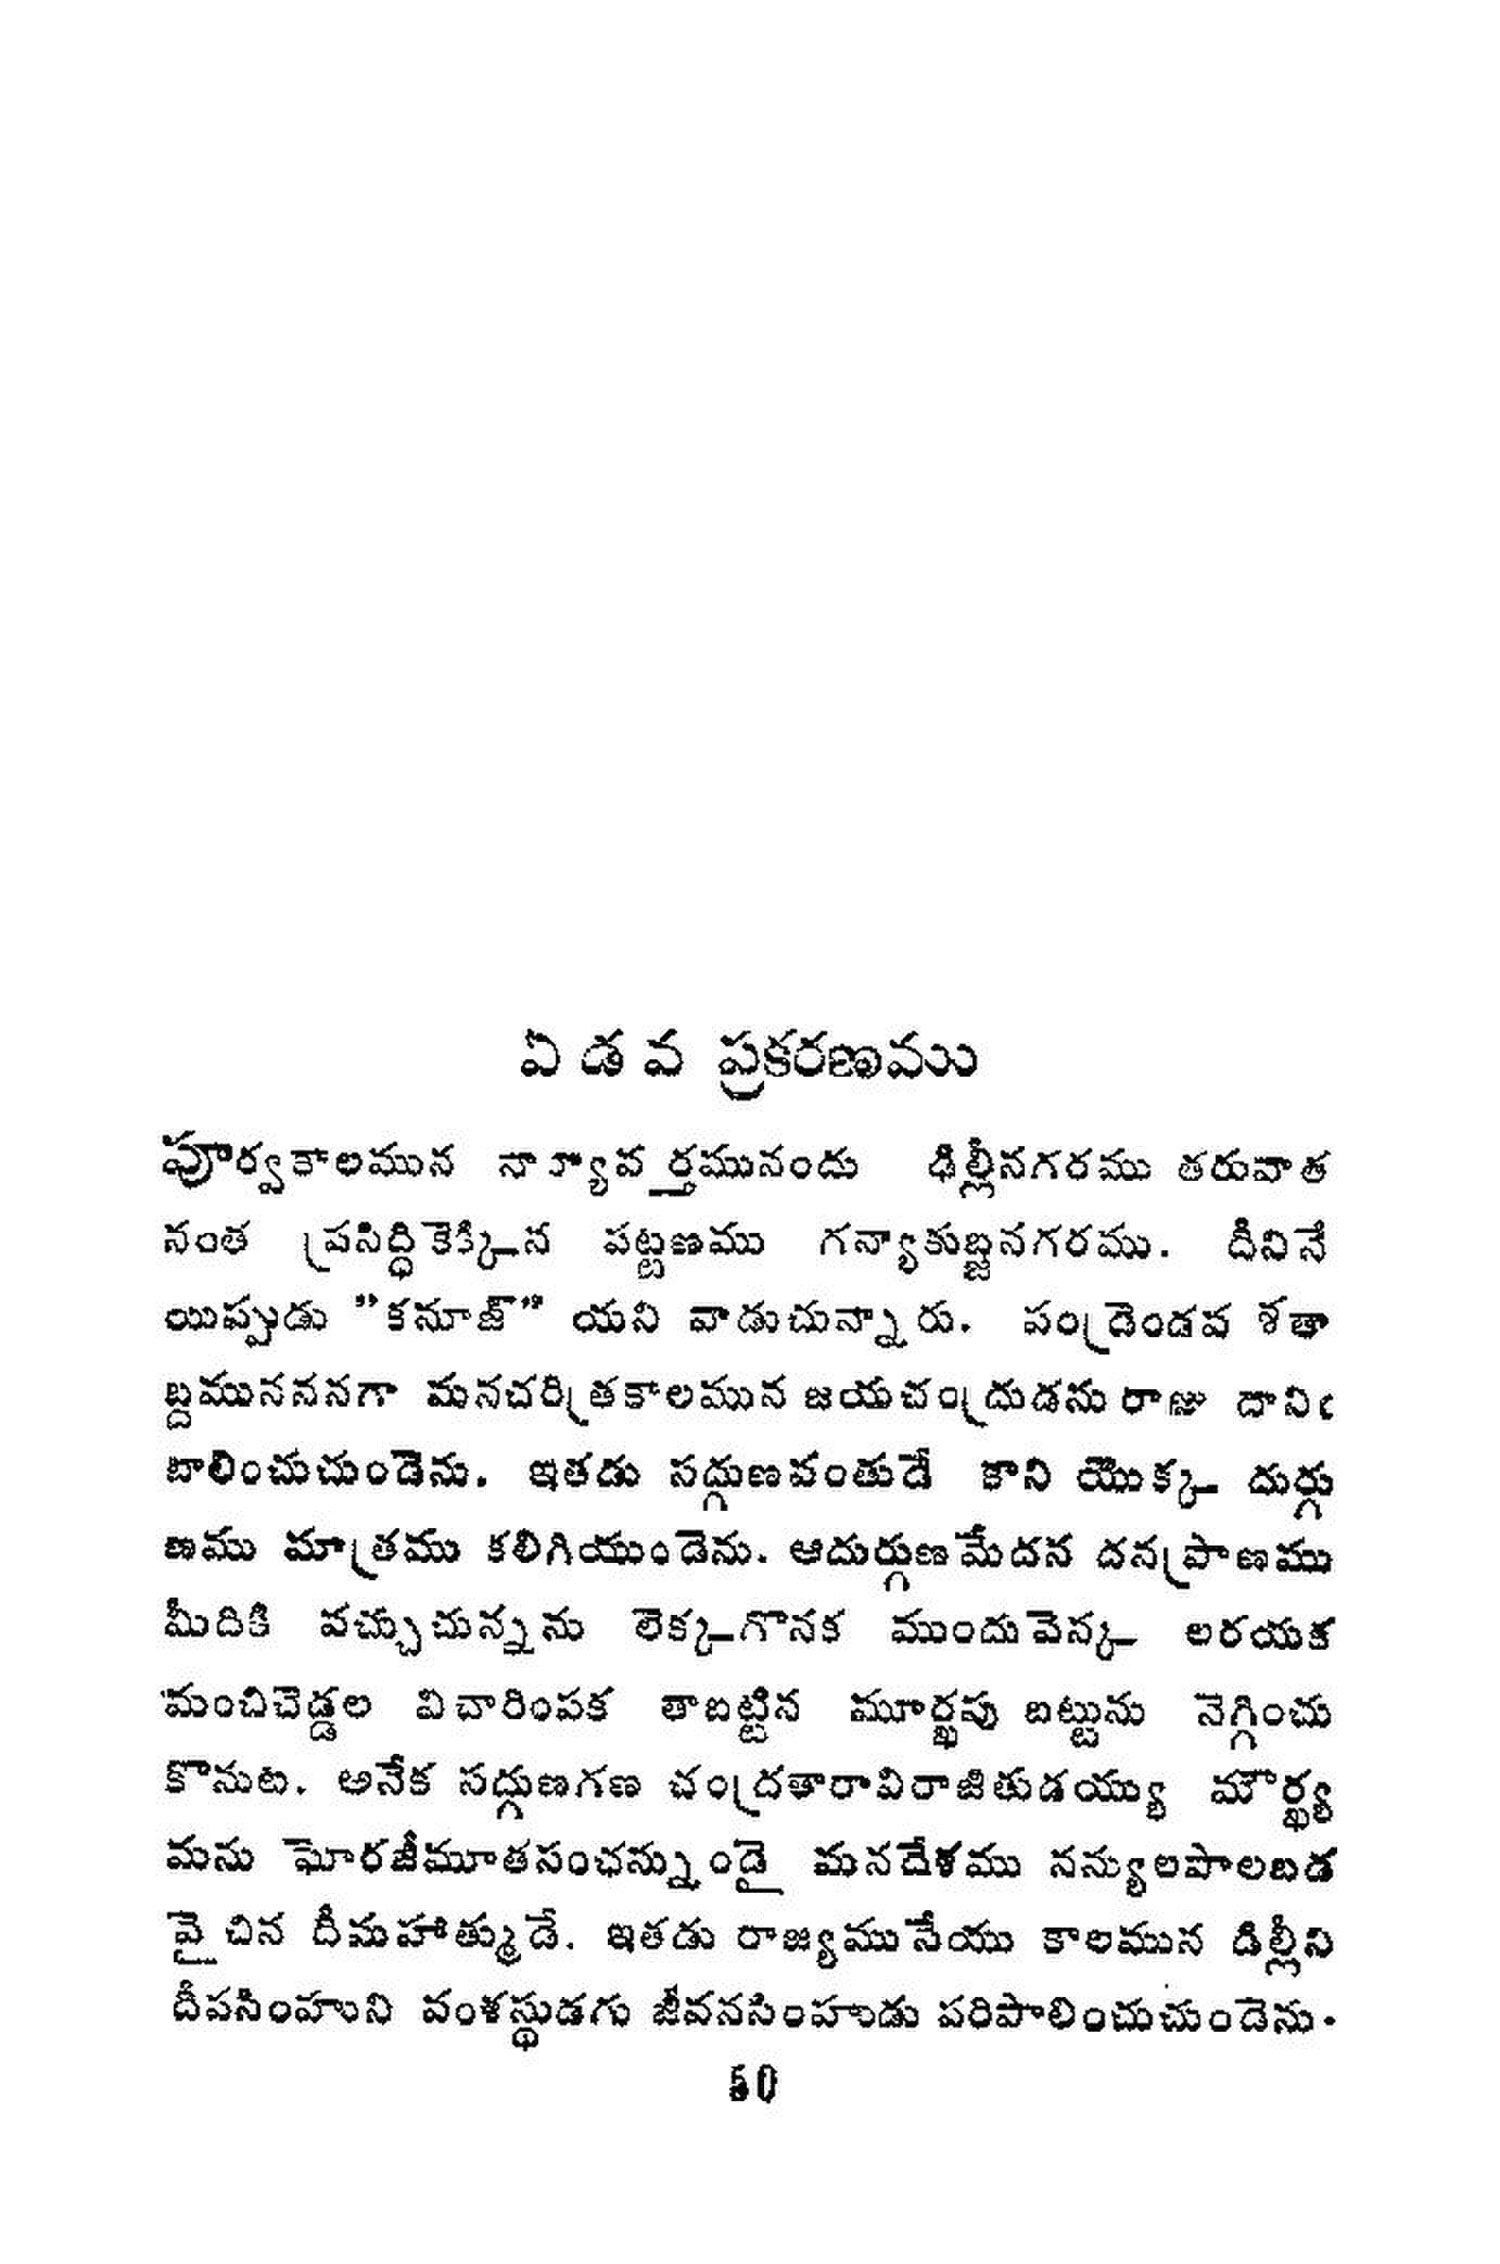ఏడవ ప్రకరణము

ర్వకాలమున నార్యావర్తమునందు ఢిల్లీనగరము తరువాత నంత ప్రసిద్ధికెక్కిన పట్టణము గన్యాకుబ్జనగరము. దీనినే యిప్పుడు "కనూజ్" యని వాడుచున్నారు. పండ్రెండవ శతాబ్దమునననగా మనచరిత్రకాలమున జయచంద్రుడనురాజు దానిఁ బాలించుచుండెను. ఇతడు సద్గుణవంతుడే కాని యొక్క దుర్గుణము మాత్రము కలిగియుండెను. ఆదుర్గుణమేదన దనప్రాణము మీదికి వచ్చుచున్నను లెక్కగొనక ముందువెన్క లరయక మంచిచెడ్డల విచారింపక తాబట్టిన మూర్ఖపు బట్టును నెగ్గించు కొనుట. అనేక సద్గుణగణ చంద్రతారావిరాజితుడయ్యు మౌర్ఖ్యమను ఘోరజీమూతసంఛన్నుండై మనదేశము నన్యులపాలబడ వైచిన దీమహాత్ముడే. ఇతడు రాజ్యముసేయు కాలమున డిల్లీని దీపసింహుని వంశస్థుడగు జీవనసింహుడు పరిపాలించుచుండెను.